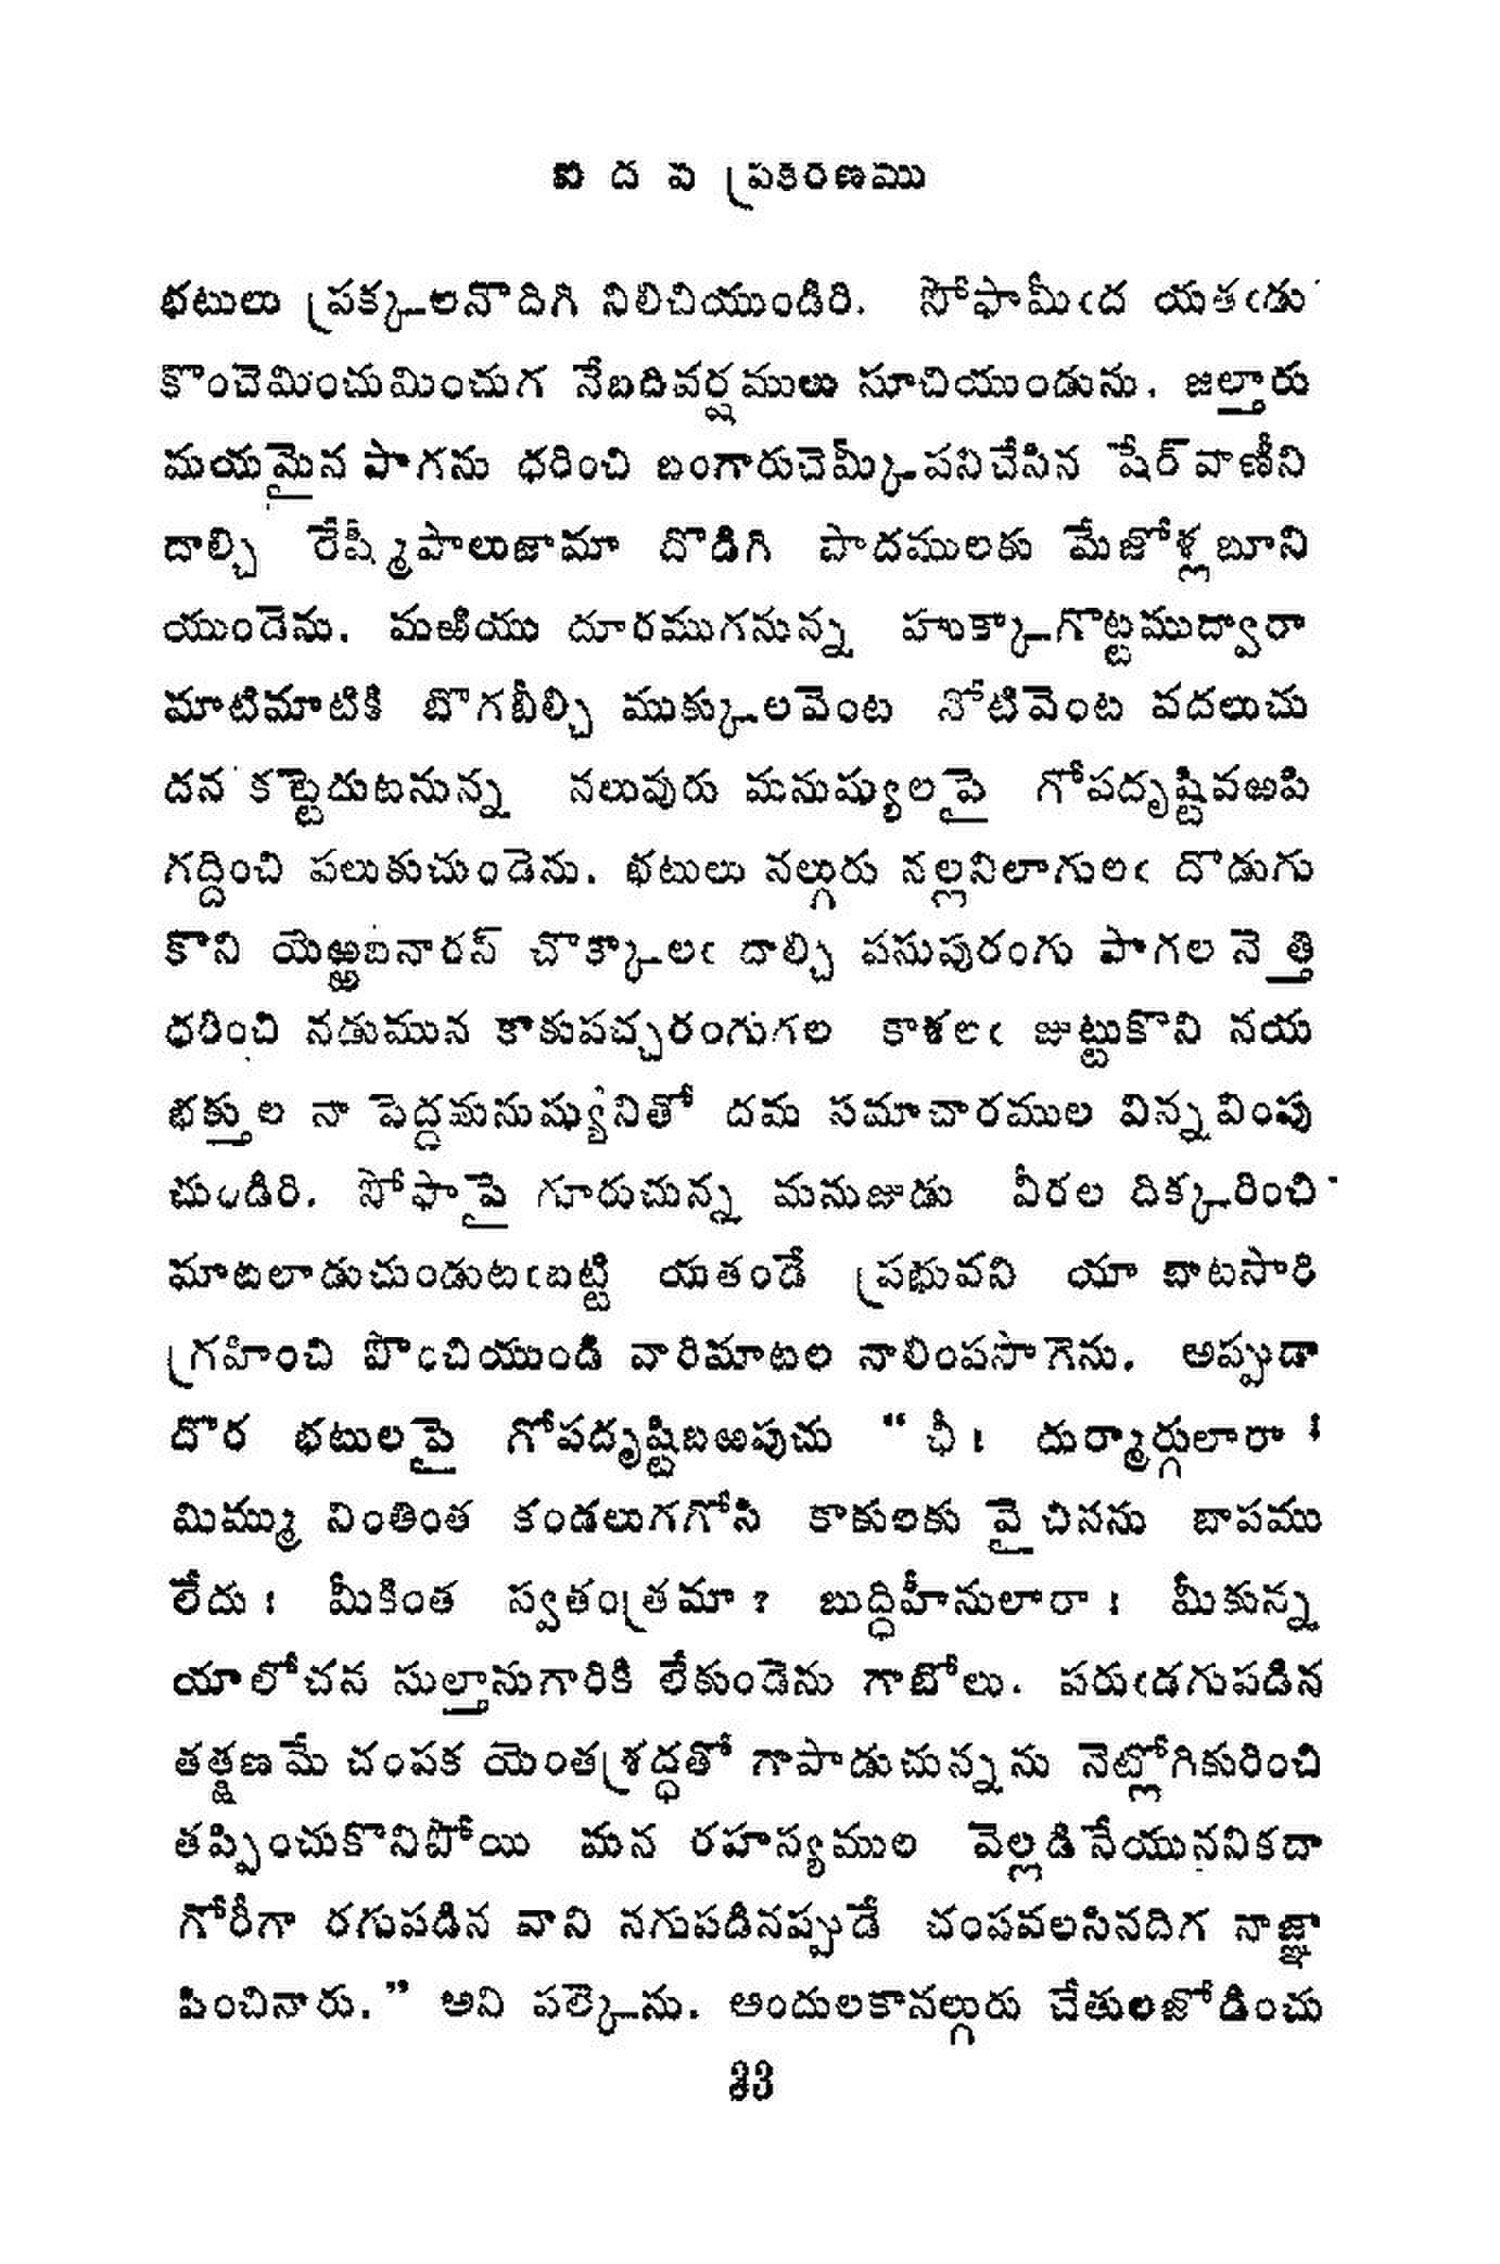భటులు ప్రక్కలనొదిగి నిలిచియుండిరి. సోఫామీఁద యతఁడు కొంచెమించుమించుగ నేబదివర్షములు సూచియుండును. జిల్తారు మయమైన పాగను ధరించి బంగారుచెమ్కీ పనిచేసిన షేర్ వాణీని దాల్చి రేష్మీపాలుజామా దొడిగి పాదములకు మేజోళ్లబూని యుండెను. మఱియు దూరముగనున్న హుక్కాగొట్టముద్వారా మాటిమాటికి బొగబీల్చి ముక్కులవెంట నోటివెంట వదలుచు దన కట్టెదుటనున్న నలువురు మనుష్యులపై గోపదృష్టిపఱపి గద్దించి పలుకుచుండెను. భటులు నల్గురు నల్లనిలాగులఁ దొడుగుకొని యెఱ్ఱబనారస్ చొక్కాలఁ దాల్చి పసుపురంగు పాగల నెత్తి ధరించి నడుమున కాకుపచ్చరంగుగల కాశలఁ జుట్టుకొని నయ భక్తుల నా పెద్దమనుష్యునితో దమ సమాచారముల విన్నవింపుచుండిరి. సోఫాపై గూరుచున్న మనుజుడు వీరల దిక్కరించి మాటలాడుచుండుటఁబట్టి యతండే ప్రభువని యా బాటసారి గ్రహించి పొంచియుండి వారిమాటల నాలింపసాగెను. అప్పుడా దొర భటులపై గోపదృష్టిబఱపుచు “ ఛీ ! దుర్మార్గులారా ! మిమ్ము నింతింత కండలుగగోసి కాకులకు వైచినను బాపము లేదు : మీకింత స్వతంత్రమా ? బుద్దిహీనులారా ! మీకున్న యాలోచన సుల్తానుగారికి లేకుండెను గాబోలు. పరుఁడగుపడిన తక్షణమే చంపక యెంతశ్రద్ధతో గాపాడుచున్నను నెట్లోగికురించి తప్పించుకొనిపోయి మన రహస్యముల వెల్లడిసేయునవికదా గోరీగా రగుపడిన వాని నగుపడినప్పుడే చంపవలసినదిగ నాజ్ఞాపించినారు. " అని పల్కెను. అందులకానల్గురు చేతులజోడించు